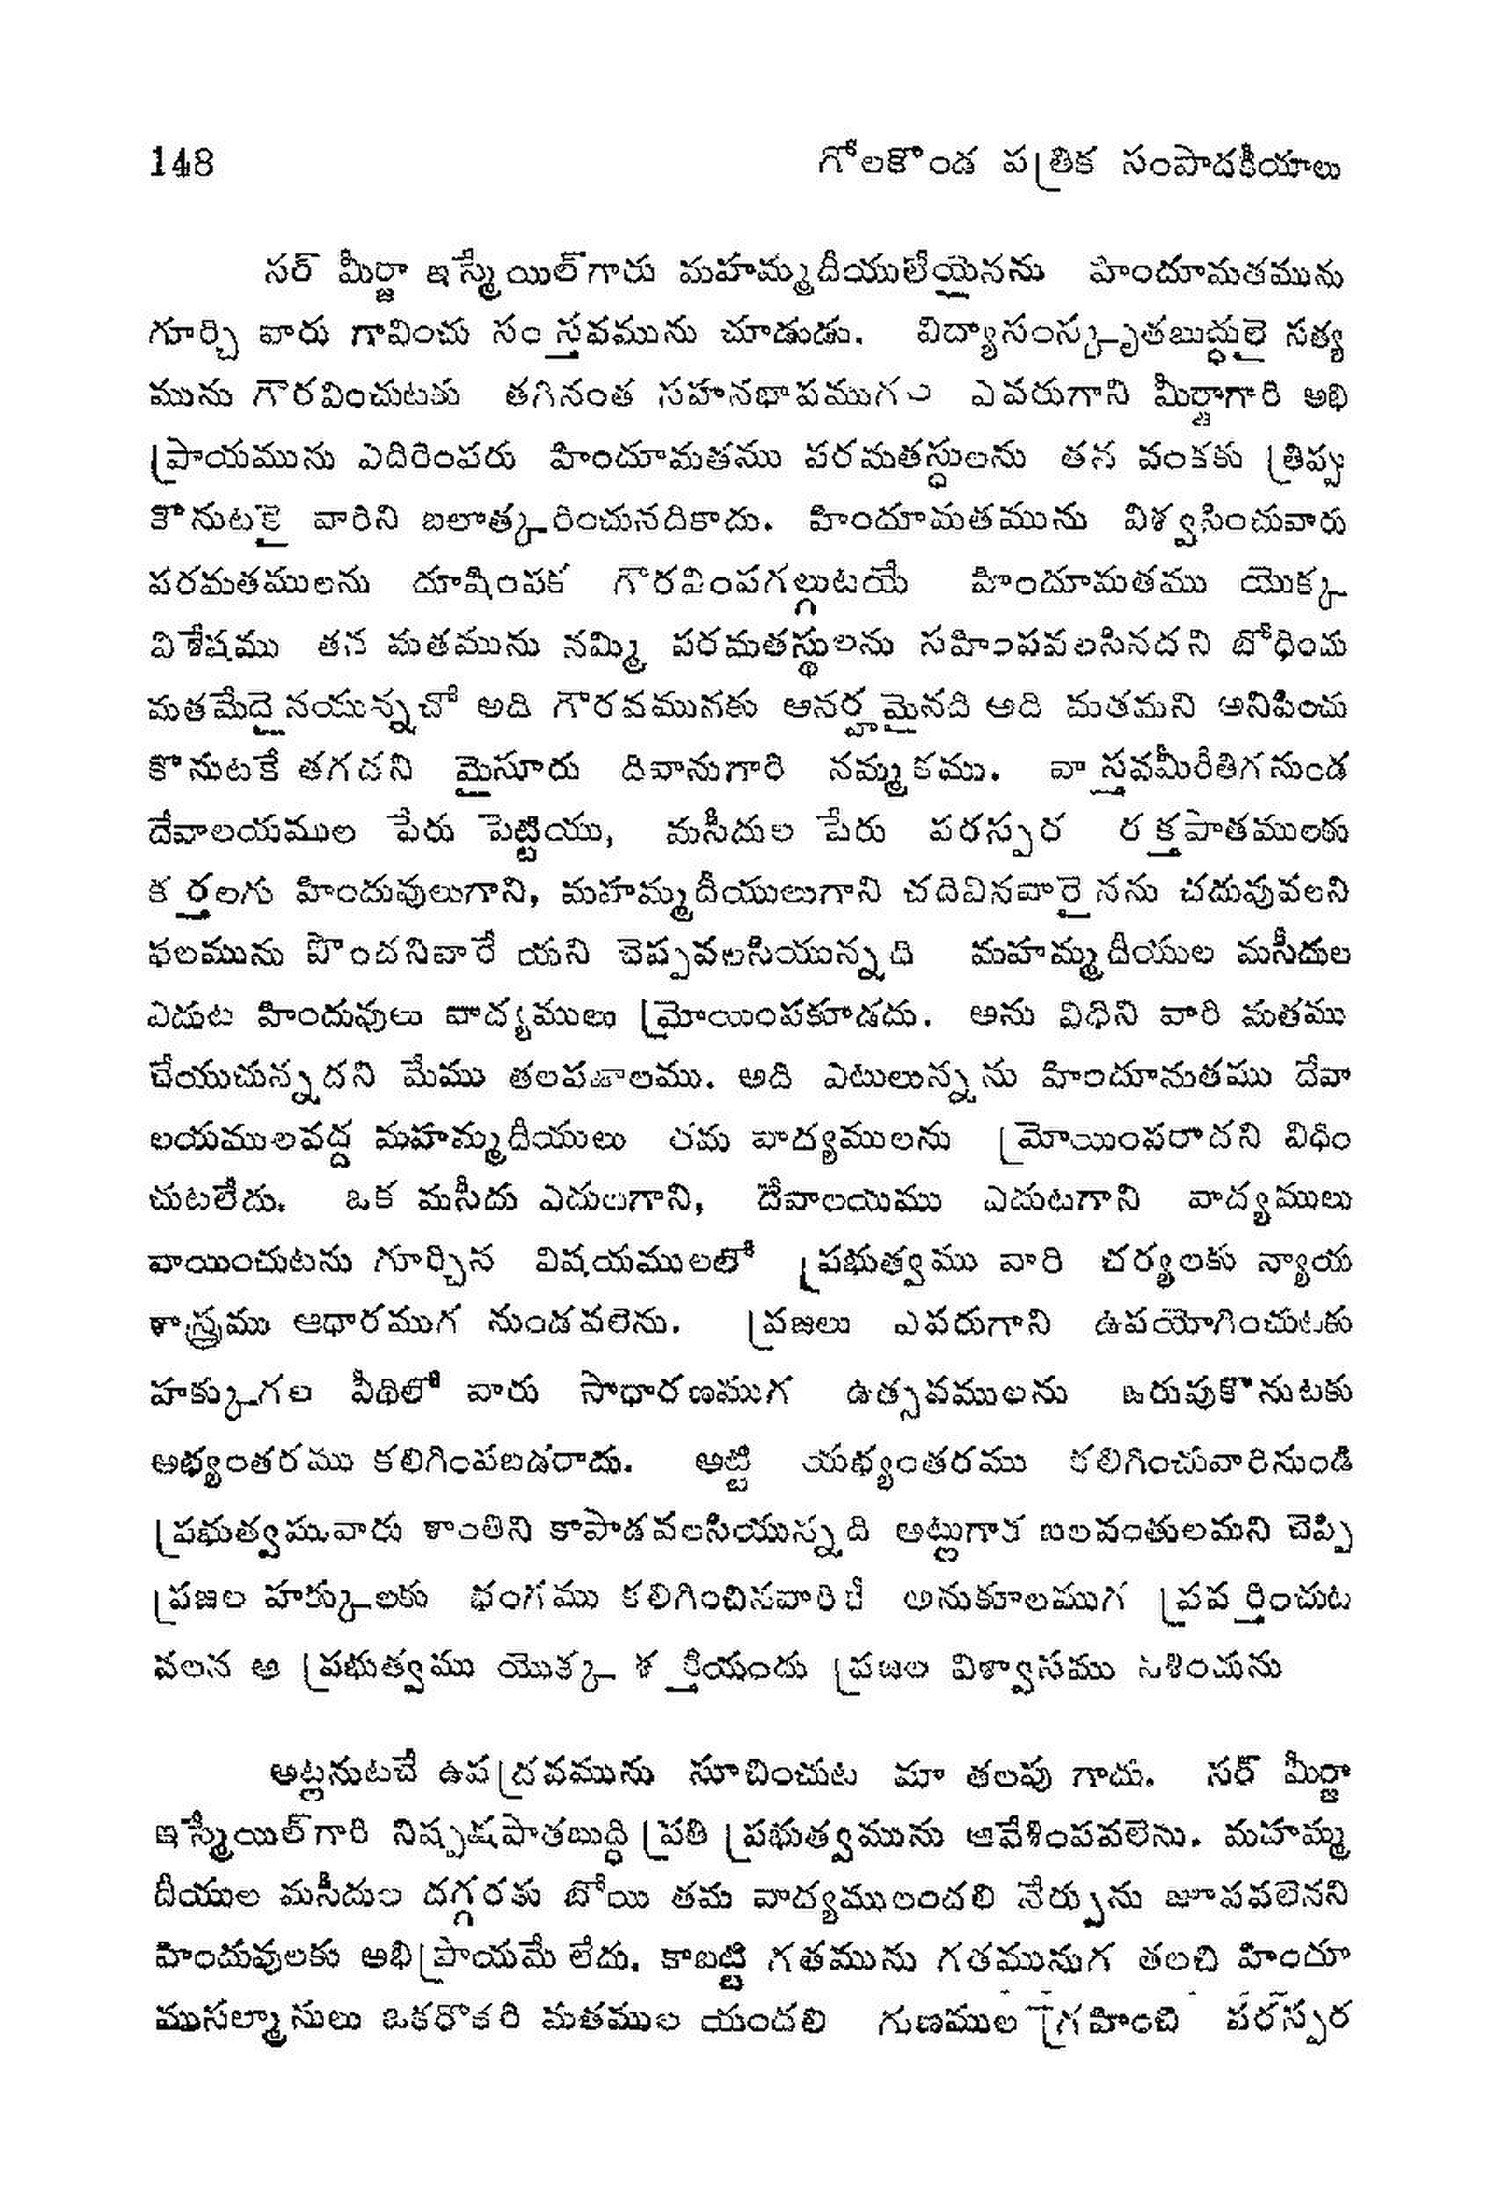సర్ మీర్జా ఇస్మేయిల్‌గారు మహమ్మదీయులేయైనను హిందూమతమును గూర్చి వారు గావించు సంస్తవమును చూడుడు. విద్యాసంస్కృతబుద్ధులై సత్యమును గౌరవించుటకు తగినంత సహనభావముగల ఎవరుగాని మీర్జాగారి అభిప్రాయమును ఎదిరింపరు హిందూమతము పరమతస్థులను తన వంకకు త్రిప్పుకొనుటకై వారిని బలాత్కరించునదికాదు. హిందూమతమును విశ్వసించువారు పరమతములను దూషింపక గౌరవింపగల్గుటయే హిందూమతము యొక్క విశేషము తన మతమును నమ్మి పరమతస్థులను సహింపవలసినదని బోధించు
మతమేదైనయున్నచో అది గౌరవమునకు అనర్హమైనది అది మతమని అనిపించుకొనుటకే తగదని మైసూరు దివానుగారి నమ్మకము. వాస్తవమీరీతిగనుండ దేవాలయముల పేరు పెట్టియు, మసీదుల పేరు పరస్పర రక్తపాతములకు కర్తలగు హిందువులుగాని, మహమ్మదీయులుగాని చదివినవారైనను చదువువలని ఫలమును పొందనివారే యని చెప్పవలసియున్నది మహమ్మదీయుల మసీదుల ఎదుట హిందువులు వాద్యములు మ్రోయింపకూడదు. అను విధిని వారి మతము చేయుచున్నదని మేము తలపజాలము. అది ఎటులున్నను హిందూమతము దేవాలయములవద్ద మహమ్మదీయులు తమ వాద్యములను మ్రోయింపరాదని విధించుటలేదు. ఒక మసీదు ఎదుటగాని, దేవాలయము ఎదుటగాని వాద్యములు వాయించుటను గూర్చిన విషయములలో ప్రభుత్వము వారి చర్యలకు న్యాయశాస్త్రము ఆధారముగ నుండవలెను. ప్రజలు ఎవరుగాని ఉపయోగించుటకు
హక్కుగల వీథిలో వారు సాధారణముగ ఉత్సవములను జరుపుకొనుటకు అభ్యంతరము కలిగింపబడరాదు. అట్టి యభ్యంతరము కలిగించువారినుండి ప్రభుత్వమువారు శాంతిని కాపాడవలసియున్నది అట్లుగాక బలవంతులమని చెప్పి ప్రజల హక్కులకు భంగము కలిగించినవారిచే అనుకూలముగ ప్రవర్తించుట వలన ఆ ప్రభుత్వము యొక్క శక్తియందు ప్రజల విశ్వాసము నశించును

అట్లనుటచే ఉపద్రవమును సూచించుట మా తలపు గాదు. సర్ మీర్జా ఇస్మేయిల్‌గారి నిష్పక్షపాతబుద్ధి ప్రతి ప్రభుత్వమును ఆవేశింపవలెను. మహమ్మదీయుల మసీదుల దగ్గరకు బోయి తమ వాద్యములందలి నేర్పును జూపవలెనని హిందువులకు అభిప్రాయమే లేదు. కాబట్టి గతమును గతమునుగ తలచి హిందూ ముసల్మానులు ఒకరొకరి మతముల యందలి గుణముల గ్రహించి పరస్పర